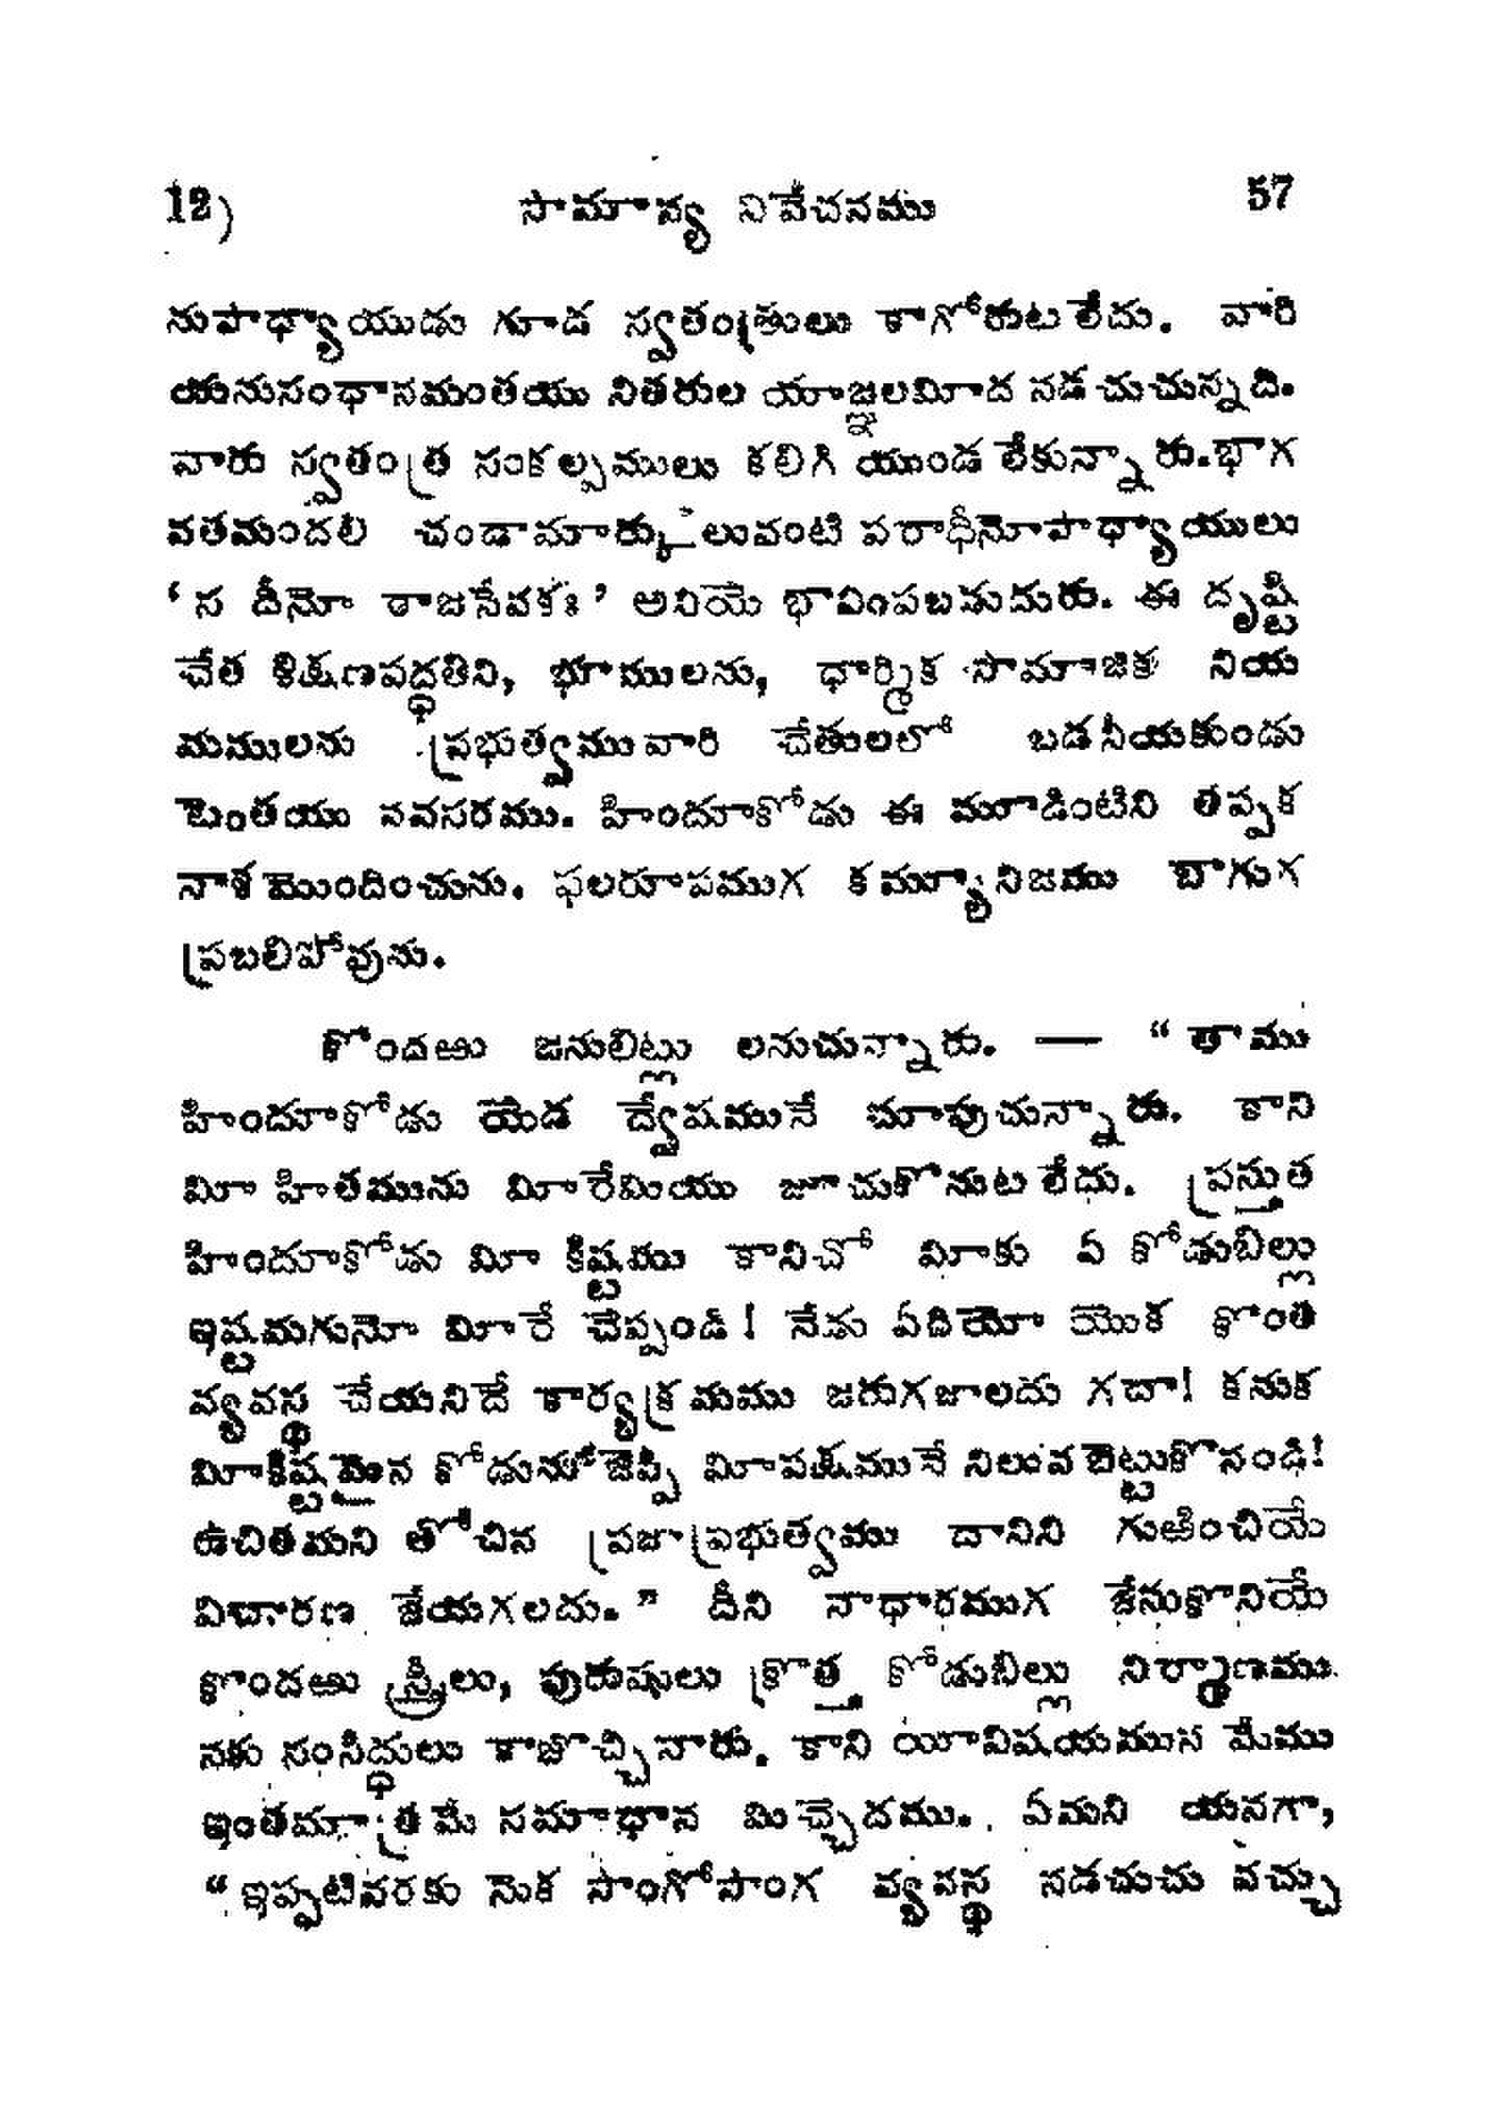నుపాధ్యాయుడు గూడ స్వతంత్రులు కాగోరుట లేదు. వారి
యనుసంధానమంతయు నితరుల యాజ్ఞలమీద నడచుచున్నది.
వారు స్వతంత్ర సంకల్పములు కలిగి యుండ లేకున్నారు. 
భాగవతమందలి చండామార్కులువంటి పరాధీనోపాధ్యాయులు
'స దీనో రాజసేవకః' అనియే భావింపబడుదురు. ఈ దృష్టి
చేత శిక్షణపద్ధతిని, భూములను, ధార్మిక సామాజిక నియమములను 
ప్రభుత్వము వారి చేతులలో బడనీయకుండుటెంతయు నవసరము. 
హిందూకోడు ఈ మూడింటిని తప్పక నాశమొందించును. 
ఫలరూపముగ కమ్యూనిజము బాగుగ ప్రబలిపోవును.

కొందఱు జనులిట్టులనుచున్నారు."తాము హిందూకోడు 
యెడ ద్వేషమునే చూపుచున్నారు. కాని మీ హితమును 
మీరేమియు జూచుకొనుటలేదు. ప్రస్తుత హిందూకోడు 
మీ కిష్టము కానిచో మీకు ఏ కోడుబిల్లు ఇష్టమగుమో 
మీరే చెప్పండి! నేడు ఏదియో యొక క్రొత్తవ్యవస్థ
చేయనిదే కార్యక్రమము జరుగజాలదు గదా! కనుక
మీకిష్టమైన కోడును జెప్పి మీపక్షమునే నిలువ బెట్టుకొనండి!
ఉచితమని తోచిన ప్రజాప్రభుత్వము దానిని గుఱించియే
విచారణ జేయగలదు." దీని నాధారముగ జేసుకొనియే
కొందఱు స్త్రీలు, పురుషులు క్రొత్త కోడుబిల్లు నిర్మాణము.
నకు సంసిద్ధులు కాజొచ్చినారు, కాని యీ విషయమున మేము
ఇంతమాత్రమే సమాధాన మిచ్చెదము.. ఏమని యనగా,
"ఇప్పటివరకు నొక సాంగో పాంగ వ్యవస్థ నడచుచు వచ్చు